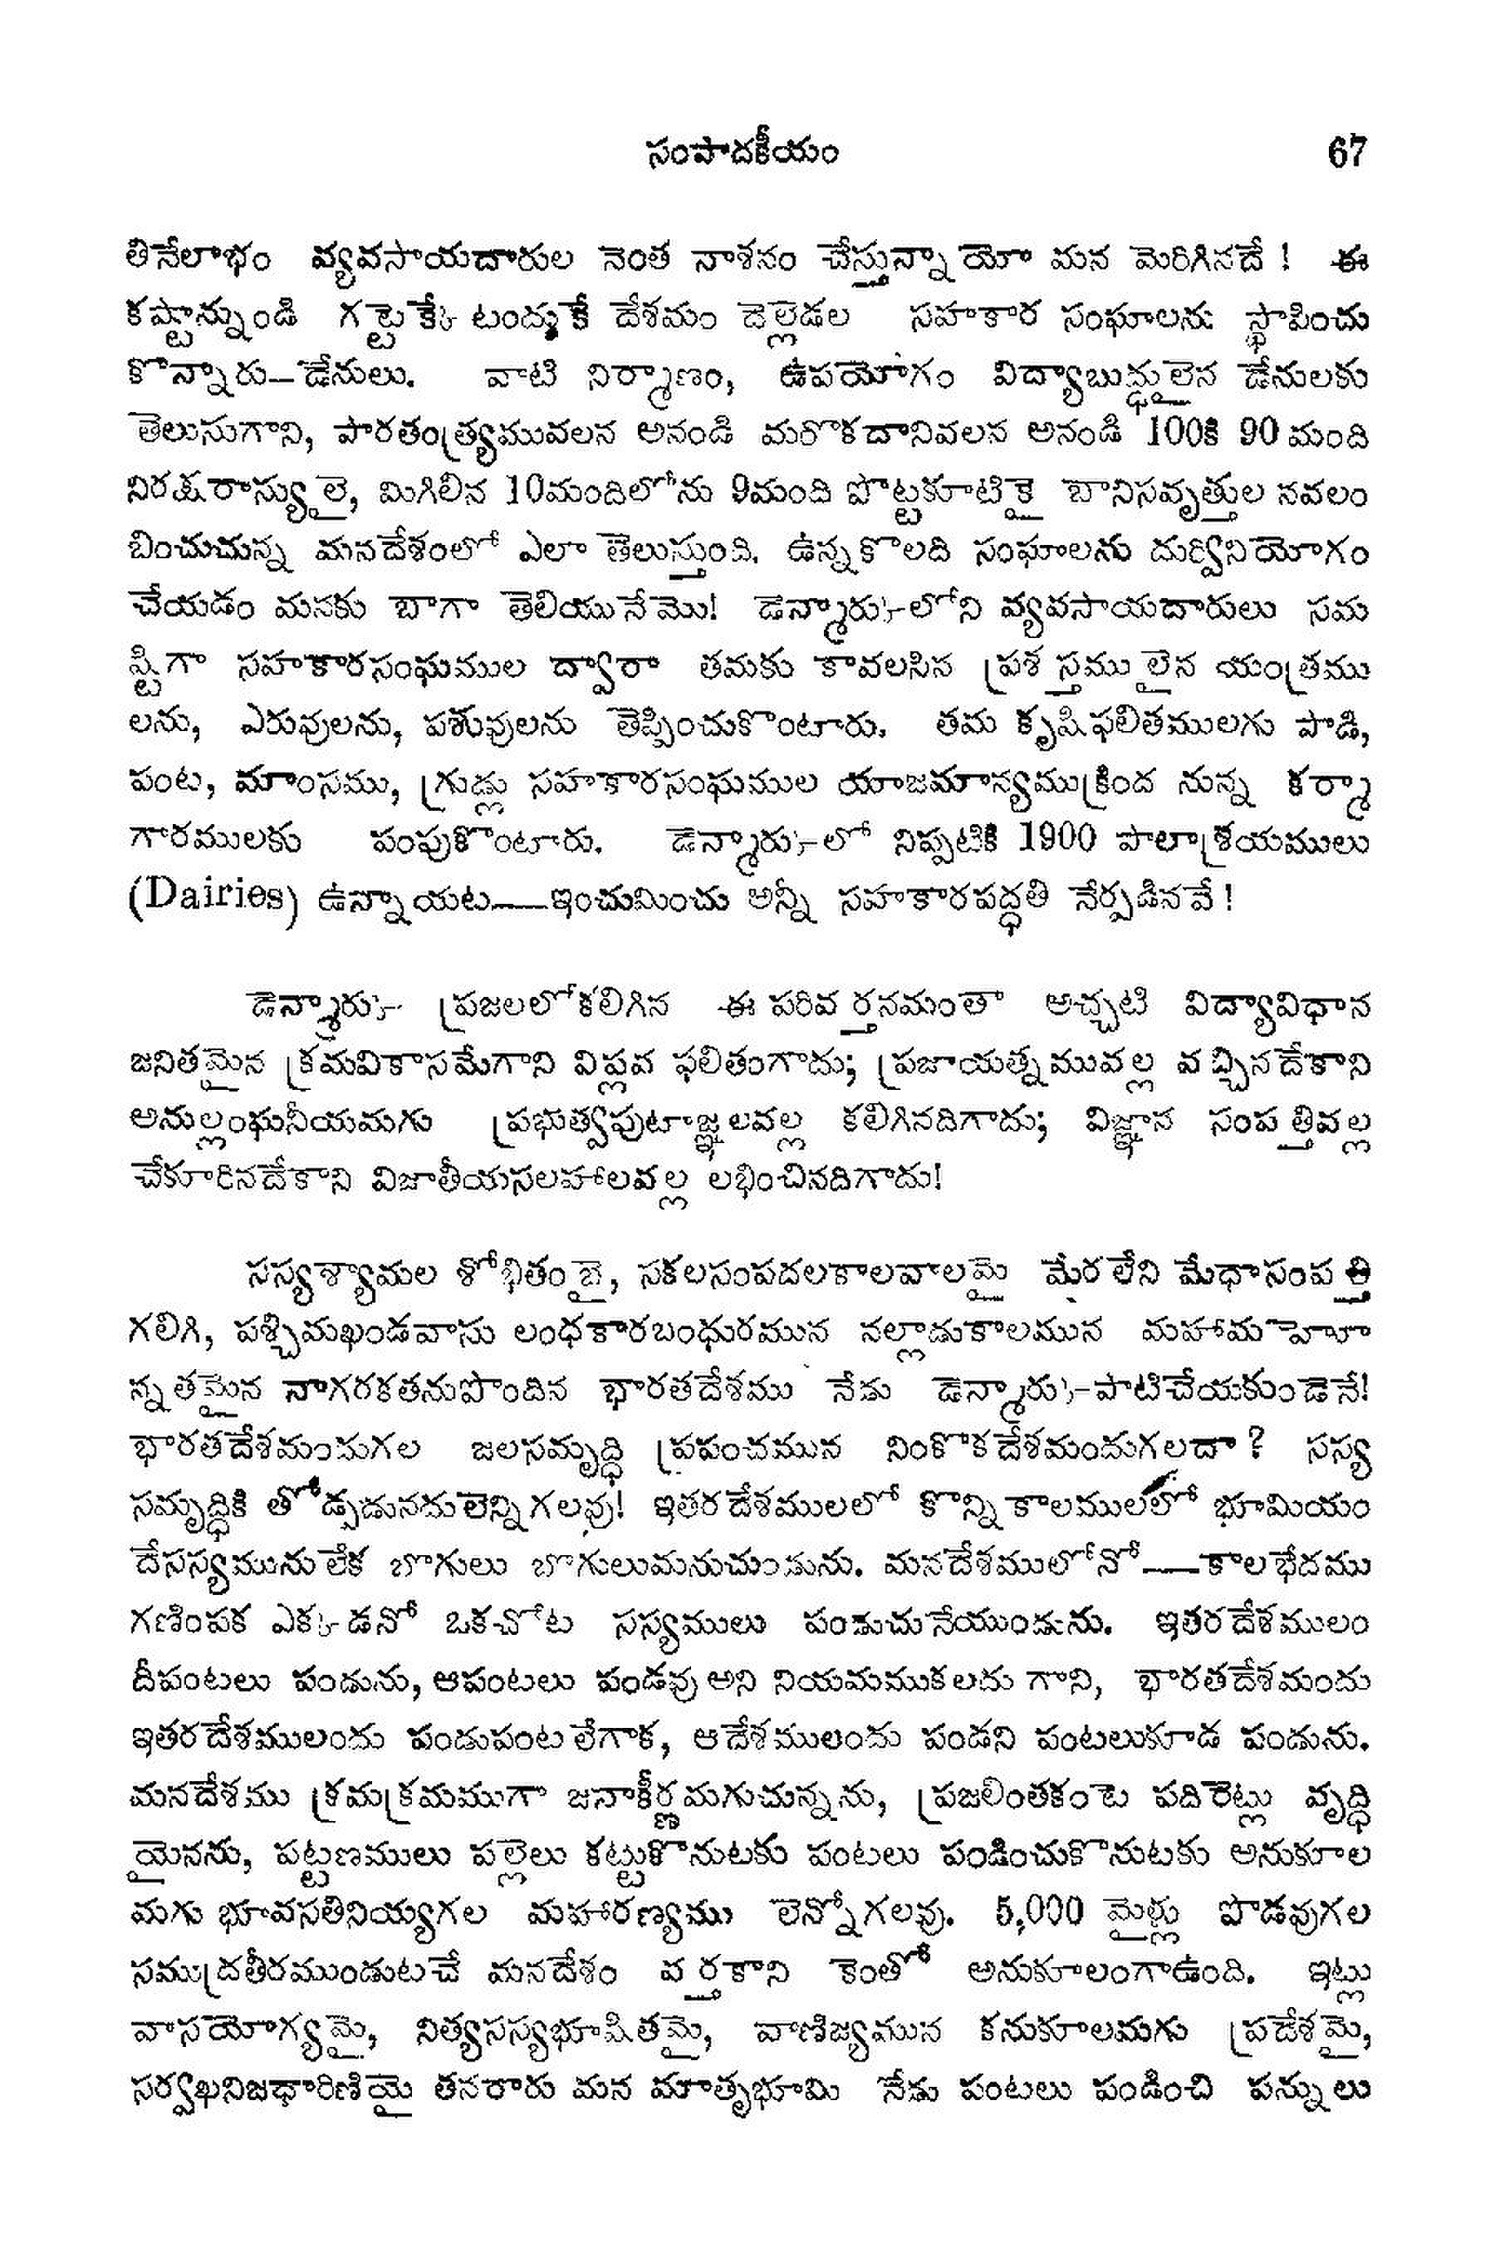తినేలాభం వ్యవసాయదారుల నెంత నాశనం చేస్తున్నాయో మన మెరిగినదే! ఈ కష్టాన్నుండి గట్టెక్కే టందుకే దేశమం దెల్లెడల సహకార సంఘాలను స్థాపించు కొన్నారు - డేనులు. వాటి నిర్మాణం, ఉపయోగం విద్యాబుద్ధులైన డేనులకు తెలుసుగాని, పారతంత్య్రము వలన అనండి మరొకదానివలన అనండి 100కి 90 మంది నిరక్షరాస్యులై, మిగిలిన 10 మందిలోను 9 మంది పొట్టకూటికై బానిసవృత్తుల నవలంబించుచున్న మనదేశంలో ఎలా తెలుస్తుంది. ఉన్నకొలది సంఘాలను దుర్వినియోగం చేయడం మనకు బాగా తెలియునేమొ! డెన్మారులోని వ్యవసాయదారులు సమష్టిగా సహకార సంఘముల ద్వారా తమకు కావలసిన ప్రశస్తములైన యంత్రములను, ఎరువులను, పశువులను తెప్పించుకొంటారు. తమ కృషి ఫలితములగు పొడి, పంట, మాంసము, గ్రుడ్లు సహకార సంఘములు యాజమాన్యముక్రింద నున్న కర్మా
గారములకు పంపుకొంటారు. డెన్మారులో నిప్పటికీ 1900 పాలాశ్రయములు (Dairies) ఉన్నాయట - ఇంచుమించు అన్నీ సహకార పద్ధతి నేర్పడినవే!

డెన్మార్కు - ప్రజలలో కలిగిన ఈ పరివర్తనమంతా అచ్చటి విద్యావిధాన జనితమైన క్రమవికాసమేగాని విప్లవ ఫలితంగాదు;ప్రజాయత్నమువల్ల వచ్చినదేకాని అనుల్లంఘనీయమగు ప్రభుత్వపుటాజ్ఞులవల్ల కలిగినదిగాదు;విజ్ఞాన సంపత్తివల్ల చేకూరినదేకాని 
విజాతీయసలహాలవల్ల లభించినది గాదు!

సస్యశ్యామల శోభితంబై, సకలసంపదలకాలవాలమై మేరలేని మేధాసంపత్తి గలిగి, పశ్చిమఖండవాసు లంధకారబంధురమున నల్లాడుకాలమున మహామహెూన్నతమైన నాగరకతను పొందిన భారతదేశము నేడు డెన్మారు పాటిచేయకుండెనే! భారతదేశమందుగల జలసమృద్ధి ప్రపంచమున నింకొక దేశమందుగలదా ? సస్యసమృద్ధికి తోడ్పడునదులెన్ని గలవు! ఇతర దేశములలో కొన్ని కాలములలో భూమియందేసస్యమును లేక బొగులుబొగులుమనుచుండును. మనదేశములోనో - కాలభేదము గణింపక ఎక్కడనో ఒకచోట సస్యములు పండుచునేయుండును. ఇతర దేశములందీపంటలు పండును, ఆపంటలు పండవు అని నియమముకలదు గాని, భారతదేశమందు ఇతర దేశములందు పండు పంటలేగాక, ఆదేశములందు పండని పంటలుకూడ పండును. మనదేశము క్రమక్రమముగా జనాకీర్ణమగుచున్నను, ప్రజలింతకంటే పదిరెట్లు వృద్ధియైనను, పట్టణములు పల్లెలు కట్టుకొనుటకు పంటలు పండించుకొనుటకు అనుకూలమగు భూవసతినియ్యగల మహారణ్యములెన్నో గలవు. 5,000 మైళ్లు పొడవుగల సముద్రతీరముండుటచే మనదేశం వర్తకాని కెంతో అనుకూలంగా ఉంది. ఇట్లు వాసయోగ్యమై, నిత్య సస్యభూషితమై, వాణిజ్యమున కనుకూలమగు ప్రదేశమై, సర్వఖనిజధారిణియై తనరారు మన మాతృభూమి 'నేడు పంటలు పండించి పన్నులు